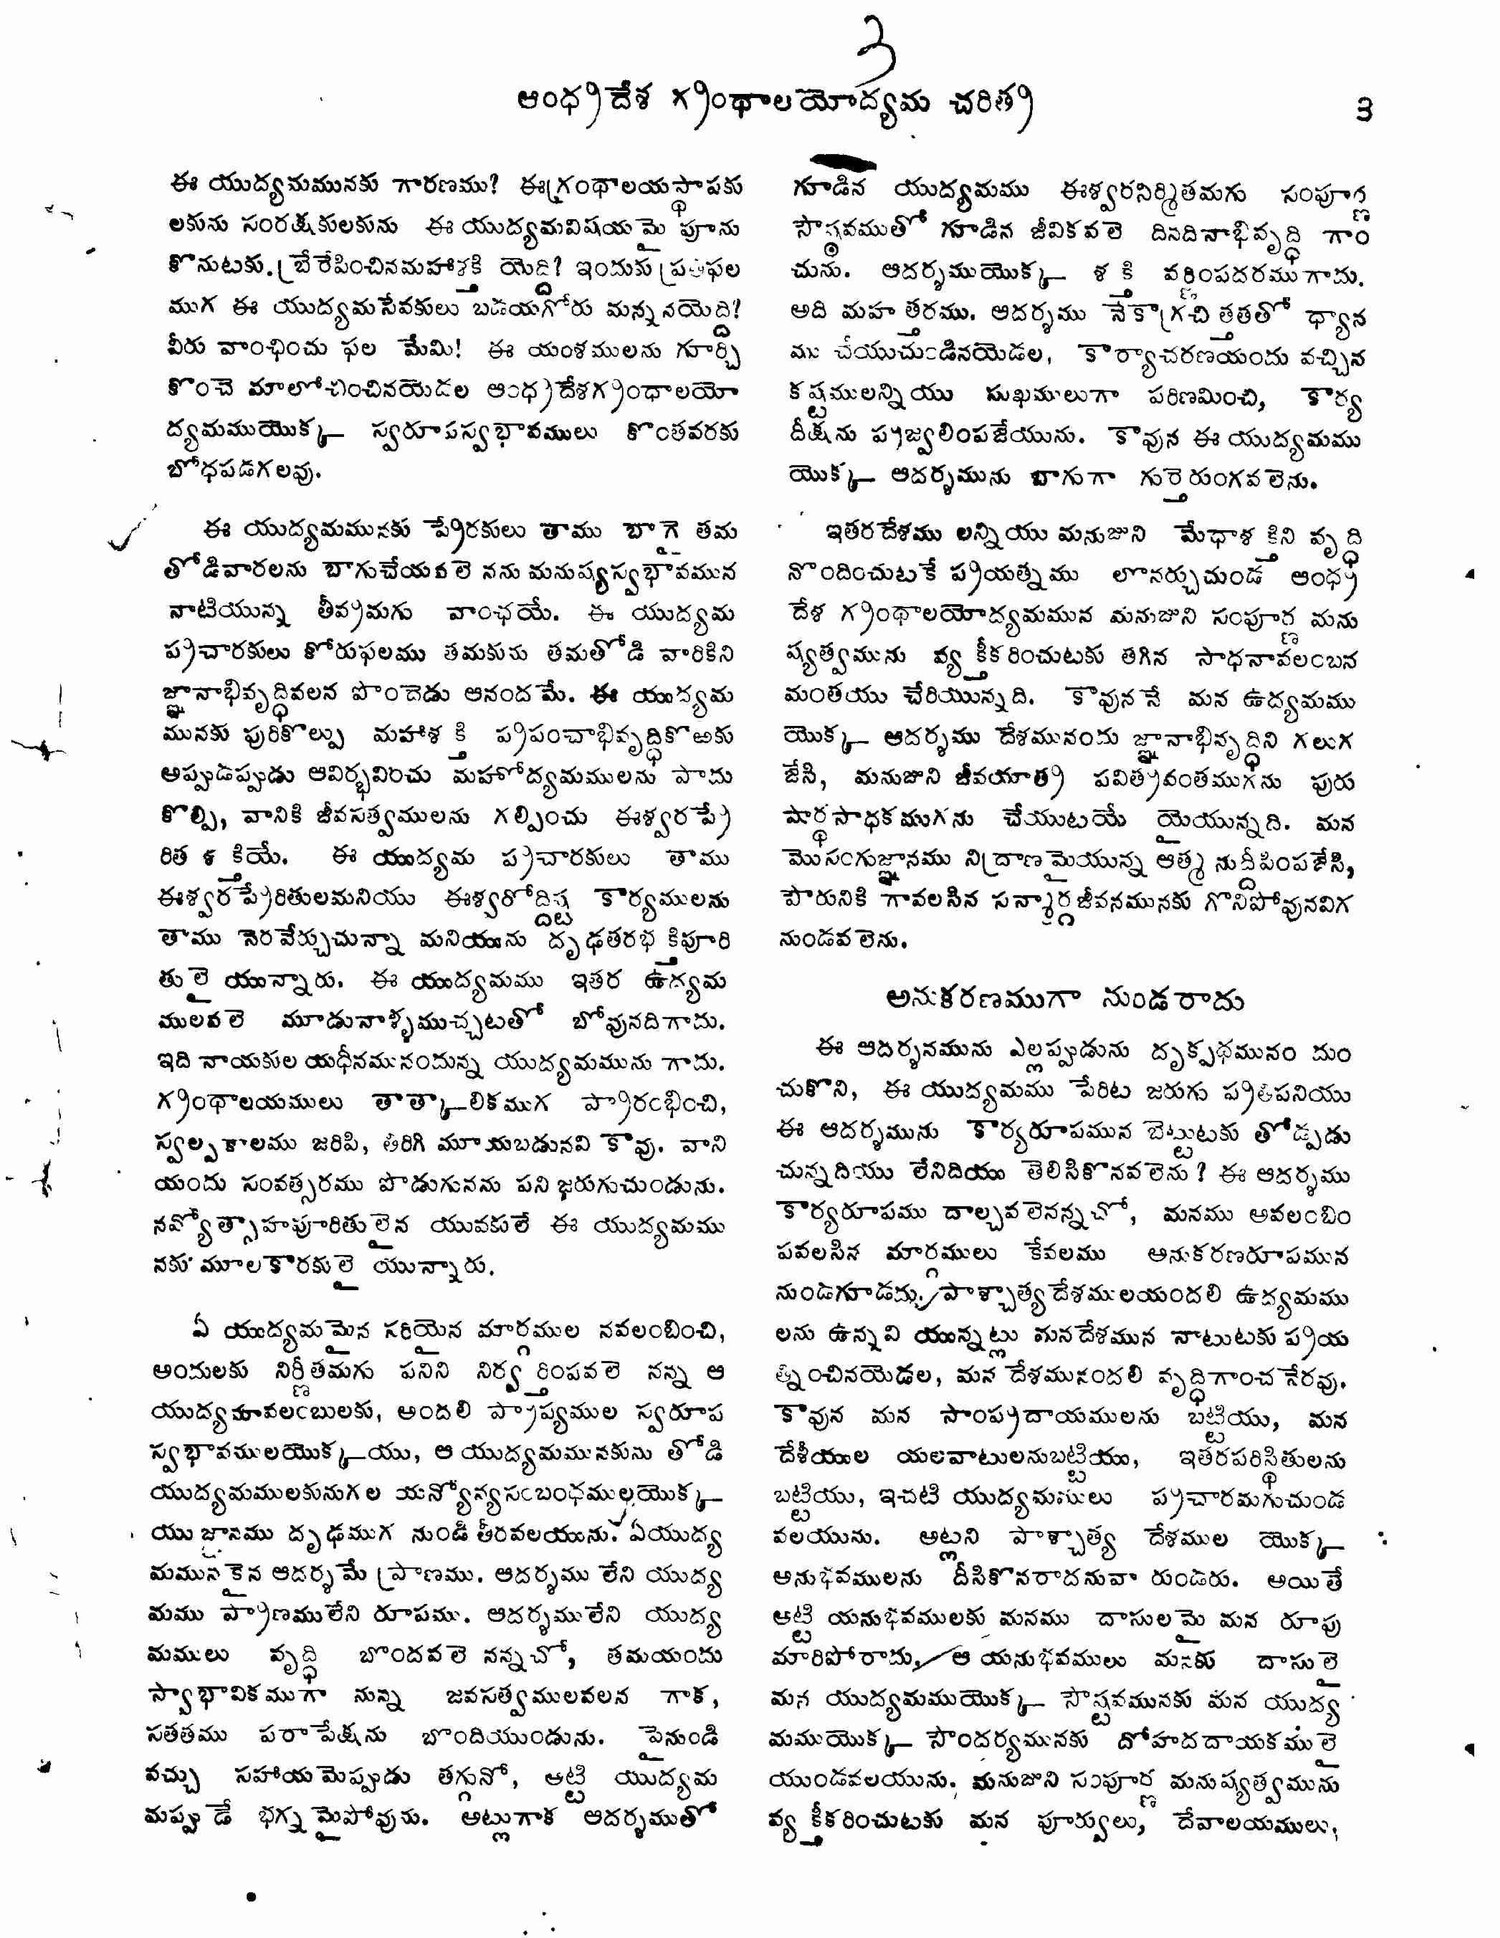ఈ యుద్యమమునకు గారణము? ఈ గ్రంథాలయస్థాపకులకును సంరక్షకులకును ఈ యుద్యమవిషయమై పూనుకొనుటకు, బేరేపించిన మహాశక్తి యెది? ఇందుకు ప్రతిఫలముగ ఈ యుద్యమ సేవకులు బడయగోరు మన్ననయెద్ది? వీరు వాంఛించు ఫలమేమి! ఈ యంశములను గూర్చి కొంచె మాలోచించినయెడల ఆంధ్రదేశ గ్రంధాలయోద్యమముయొక్క స్వరూపస్వభావములు కొంతవరకు
బోధపడగలవు.

ఈ యుద్యమమునకు పేరకులు తాము బాగై తమ తోడివారలను బాగుచేయవలెనను మనుష్యస్వభావమున నాటియున్న తీవ్రమగు వాంఛయే. ఈ యుద్యమ ప్రచారకులు కోరుఫలము తమకురు తమతోడి వారికిని జ్ఞానాభివృద్ధివలన పొందెడు ఆనందమే. ఈ 
యుద్యమమునకు పురికొల్పు మహాశక్తి ప్రపంచాభివృద్ధికొఱకు అప్పుడప్పుడు ఆవిర్భవించు మహోద్యమములను పాదుకొల్పి, వానికి జీవసత్వములను గల్పించు ఈశ్వరపేరిత శక్తియే. ఈ యుద్యమ ప్రచారకులు తాము ఈశ్వర పేరితులమనియు ఈశ్వరోదిష్ట 
కార్యములను తాము నెరవేర్చుచున్నా మనియును దృఢతర భక్తిపూరితులై యున్నారు. ఈ యుద్యమము ఇతర ఉద్యమములవలె మూడునాళ్ళముచ్చటతో బోవునది గాదు. ఇది నాయకుల యధీనమునందున్న యుద్యమమును గాదు. గ్రంథాలయములు 
తాత్కాలికముగ ప్రారంభించి, స్వల్పకాలము జరిపి, తిరిగి మూయబడునవి కావు. వానియందు సంవత్సరము పొడుగునను పని జరుగుచుండును. నవ్యోత్సాహపూరితులైన యువకులే ఈ యుద్యమమునకు మూలకారకులె యున్నారు.

ఏ యుద్యమమైన సరియైన మార్గముల నవలంబించి, అందులకు నిర్ణీతమగు పనిని నిర్వర్తింపవలెనన్న ఆయుద్య మావలఁబులకు, అందలి ప్రాప్యముల స్వరూప స్వభావముల యొక్కయు, ఆ యుద్యమమునకును తోడి యుద్యమములకునుగల యన్యోన్య 
సఁబంధముల యొక్కయు జ్ఞానము దృఢముగ నుండి తీరవలయును. ఏయుద్యమమునకైన ఆదర్శమే ప్రాణము. ఆదర్శములేని 
యుద్యమము ప్రాణములేని రూపము. ఆదర్శములేని యుద్యమములు వృద్ధి బొందవలె నన్నచో, తమయందు స్వాభావికముగా నున్న జవసత్వములవలన గాక, సతతము పరాపేక్షను బొందియుండును. పైనుండి వచ్చుసహాయ మెప్పుడు తగ్గునో, అట్టి యొద్యమ
మప్పుడే భగ్నమైపోవును. అట్లుగాక ఆదర్శముతో గూడిన యుద్యమము ఈశ్వరనిర్మితమగు సంపూర్ణ సౌష్ఠవముతో గూడిన జీవికవలె దినదినాభివృద్ధి గాంచును. ఆదర్శము యొక్క శకీ వర్తింపదరము గాదు. అది మహత్తరము. ఆదర్శము నేకాగ్రచిత్తతతో ధ్యానము చేయుచుండినయెడల, కార్యాచరణయందు వచ్చిన కష్టములన్నియు సుఖములుగా పరిణమించి, కార్యదీక్షను ప్రజ్వలింపజేయును. కావున ఈ యుద్యమము యొక్క ఆదర్శమును బాగుగా గుర్తెరుంగవలెను.

ఇతర దేశము లన్నియు మనుజుని మేధాశక్తిని వృద్ధి నొందించుటకే ప్రయత్నము లొనర్చుచుండ ఆంధ్రదేశ గ్రంథాలయోద్యమమున మనుజుని సంపూర్ణ మనుష్యత్వమును వ్యక్తీకరించుటకు తగిన సాధనావలంబన మంతయు చేరియున్నది. కావుననే మన ఉద్యమము
యొక్క ఆదర్శము దేశమునందు జ్ఞానాభివృద్ధిని గలుగ జేసి, మనుజుని జీవయాత్ర పవిత్రవంతముగను పురుపార్థసాధకముగను చేయుటయే యైయున్నది. మన మొసఁగుజ్ఞానము నిద్రాణమైయున్న ఆత్మ నుదీపింపజేసి, పౌరునికి గావలసిన సన్మార్గ జీవనమునకు గొనిపోవునవిగ నుండవలెను.

ఈ ఆదర్శనమును ఎల్లప్పుడును దృక్పధమునం దుంచుకొని, ఈ యుద్యమము పేరిట జరుగు ప్రతి పనియు ఈ ఆదర్శమును కార్యరూపమున బెట్టుటకు తోడ్పడు చున్నదియు లేనిదియు తెలిసికొనవలెను? ఈ ఆదర్శము కార్యరూపము దాల్చవలెనన్నచో, 
మనము అవలంబింపవలసిన మారములు కేవలము అనుకరణరూపమున నుండిగూడదు. పాశ్చాత్య దేశములయందలి 
ఉద్యమములను ఉన్నవి యున్నట్లు మనదేశమున నాటుటకు ప్రయత్నించినయెడల, మన దేశమునందలి వృద్ధిగాంచ నేరవు. 
కావున మన సాంప్రదాయములను బట్టియు, మనదేశీయుల యలవాటులనుబట్టియు, ఇతర పరిస్థితులను బట్టియు, ఇచటి యుద్యమములు ప్రచారమగుచుండ వలయును. అట్లని పాశ్చాత్య దేశముల యొక్క అనుభవములను దీసికొనరాదనువారుండరు. 
అయితే అట్టి యనుభవములకు మనము దాసులమై మన రూపు మారిపోరాదు. ఆ యనుభవములు మనకు దాసులై, మన యుద్యమముయొక్క సౌష్టవమునకు మన యుద్యమము యొక్క సౌందర్యమునకు దోహదదాయకములై యుండవలయును. 
మనుజుని సంపూర్ణ మనుష్యత్వమును వ్యక్తికరించుటకు మన పూర్వులు, దేవాలయములు,